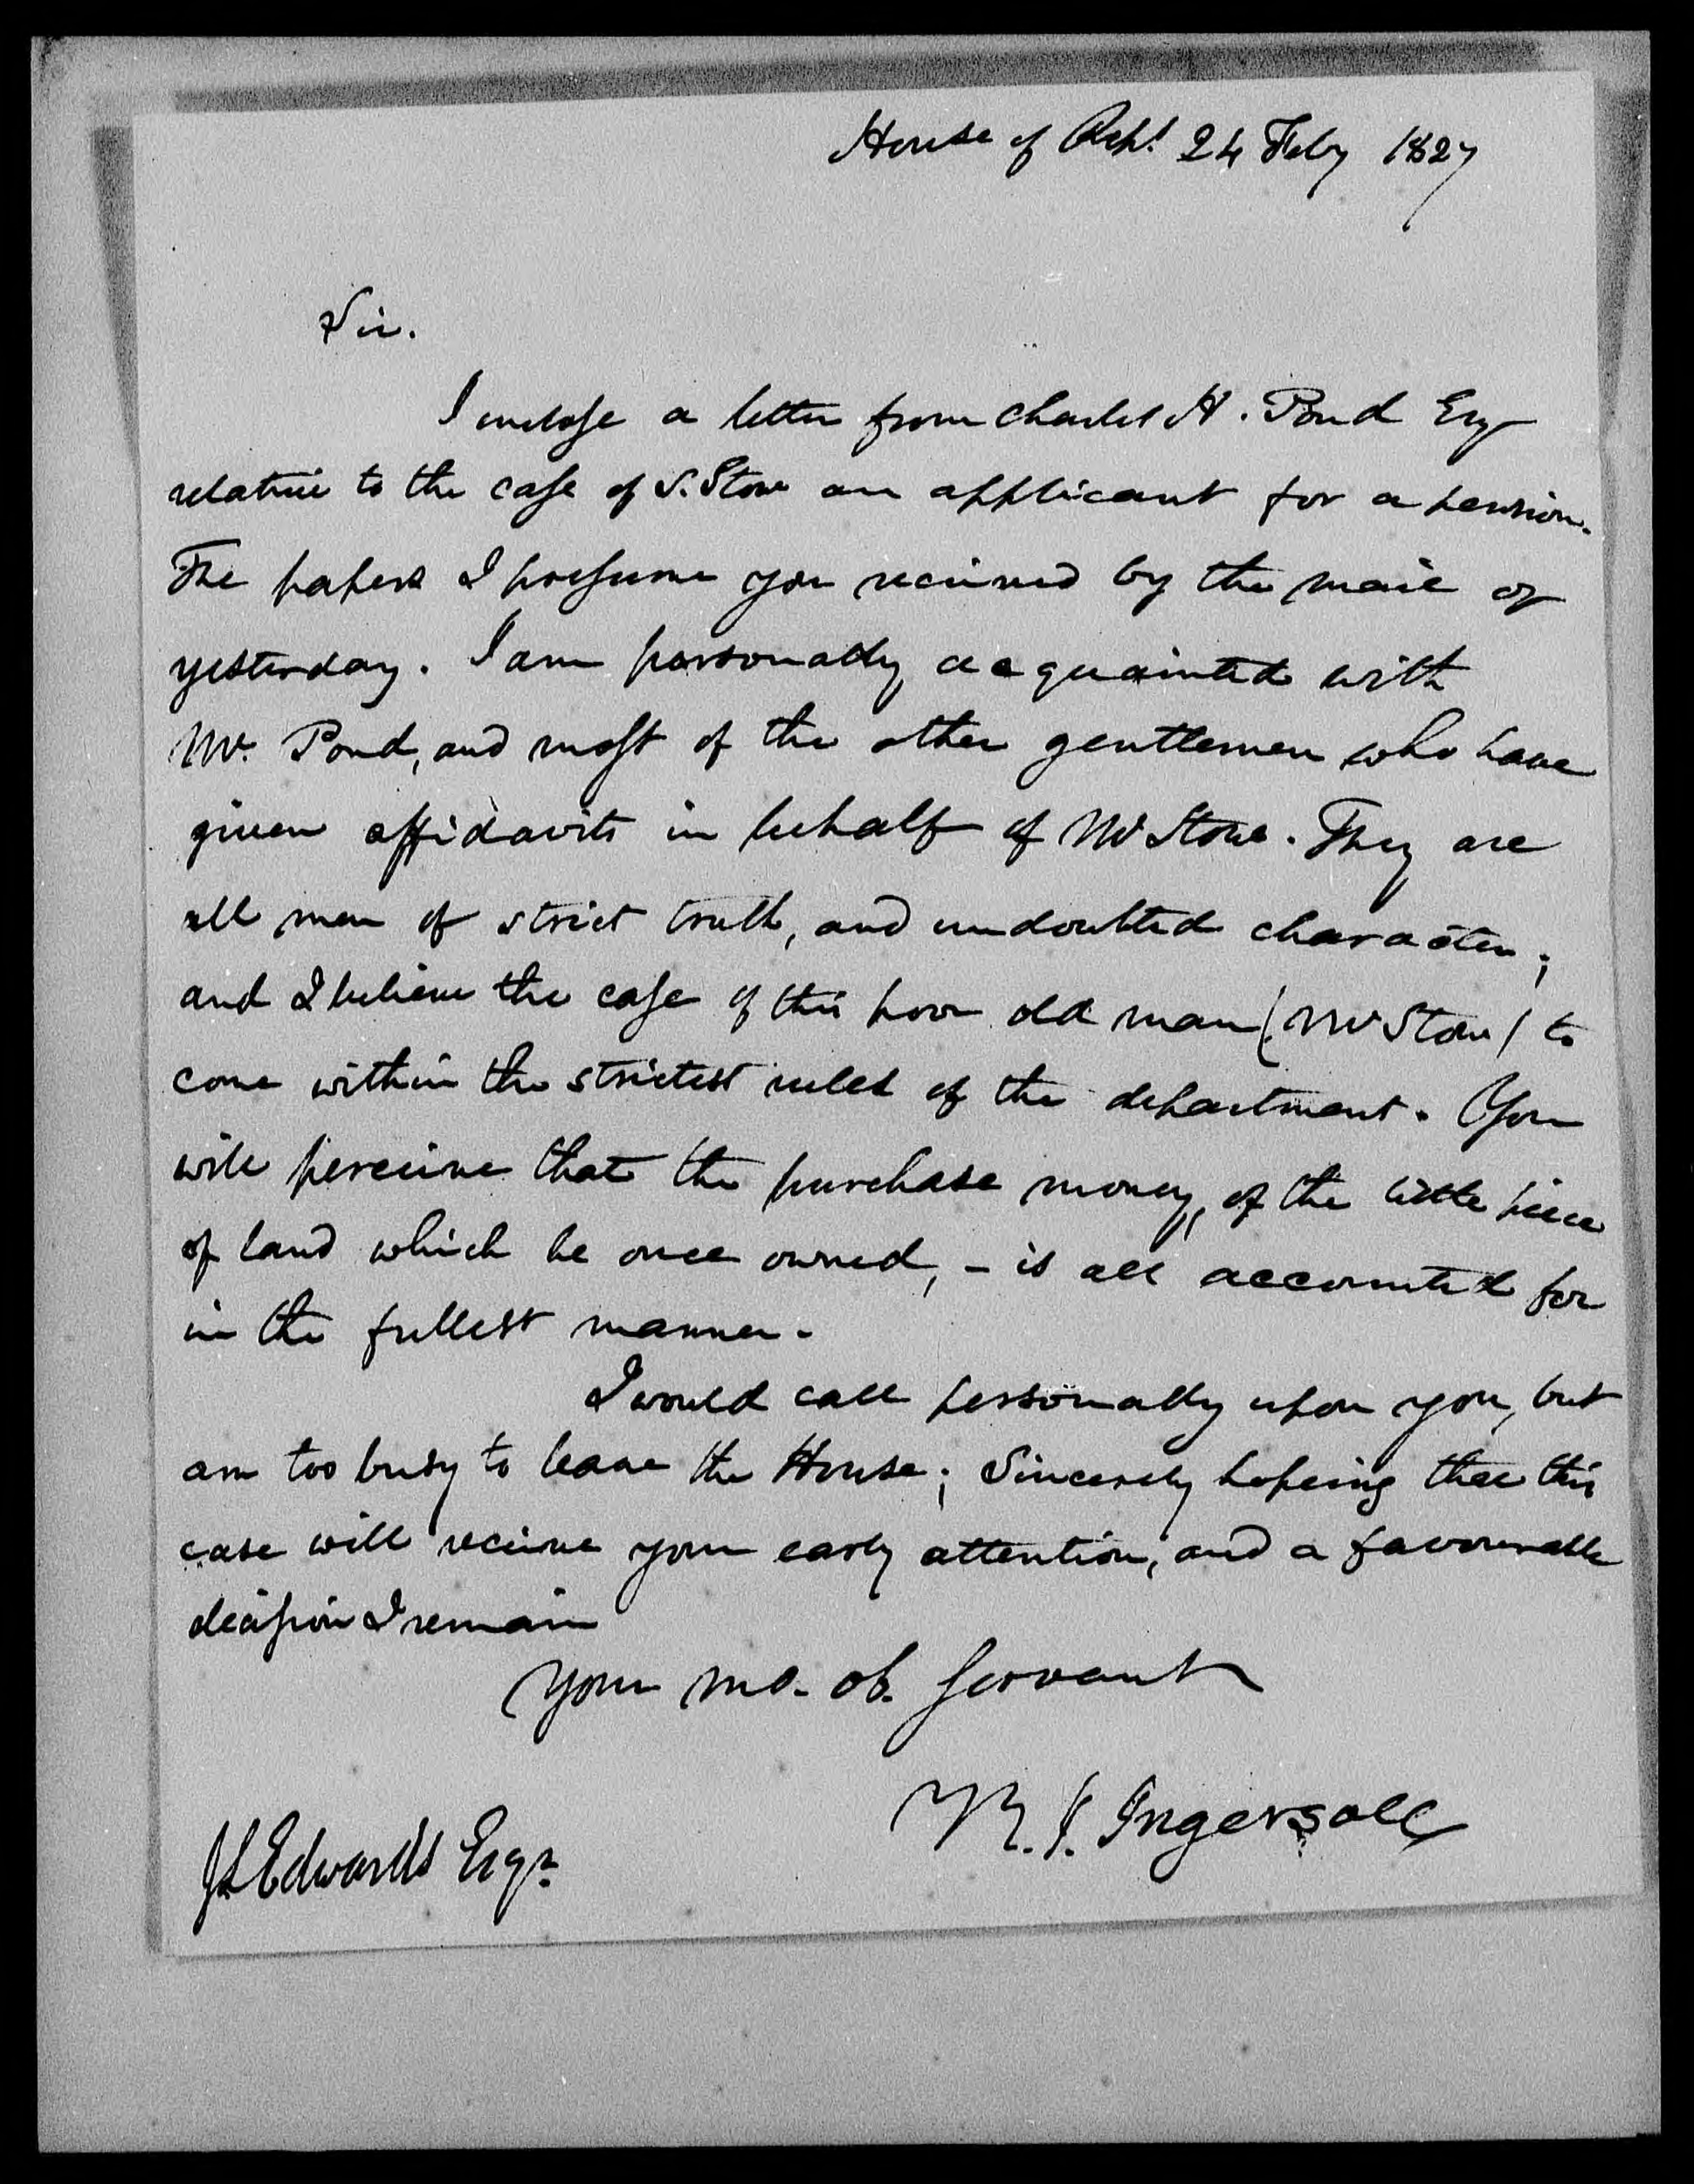House of Rep 24 Feby 1827

Sir.

I enclose a letter from Charles H. Pond Esq
relative to the case of S. Stow an applicant for a pension.  The papers I presume you received by the mail of yesterday. I am personally acquainted with Mr. Pond, and most of the other gentlemen who have given affidavits in behalf of Mr. Stow.  They are all men of strict truth, and undoubted character, and I believe the case of this poor old man (Mr. Stow) to
come within the strictest rules of the department. You will perceive that the purchase money, of the little piece of land which he once owned, is all accounted for
in the fullest manner.
I would call personally upon you, but am too busy to leave the House; Sincerely hoping that this case will receive your early attention, and a favourable decision I remain
Your mo. ob. Servant
R.I. Ingersoll

J.L. Edwards Esqr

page: 14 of 42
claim: survivor's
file: S. 36,819, for Samuel Stow, Connecticut